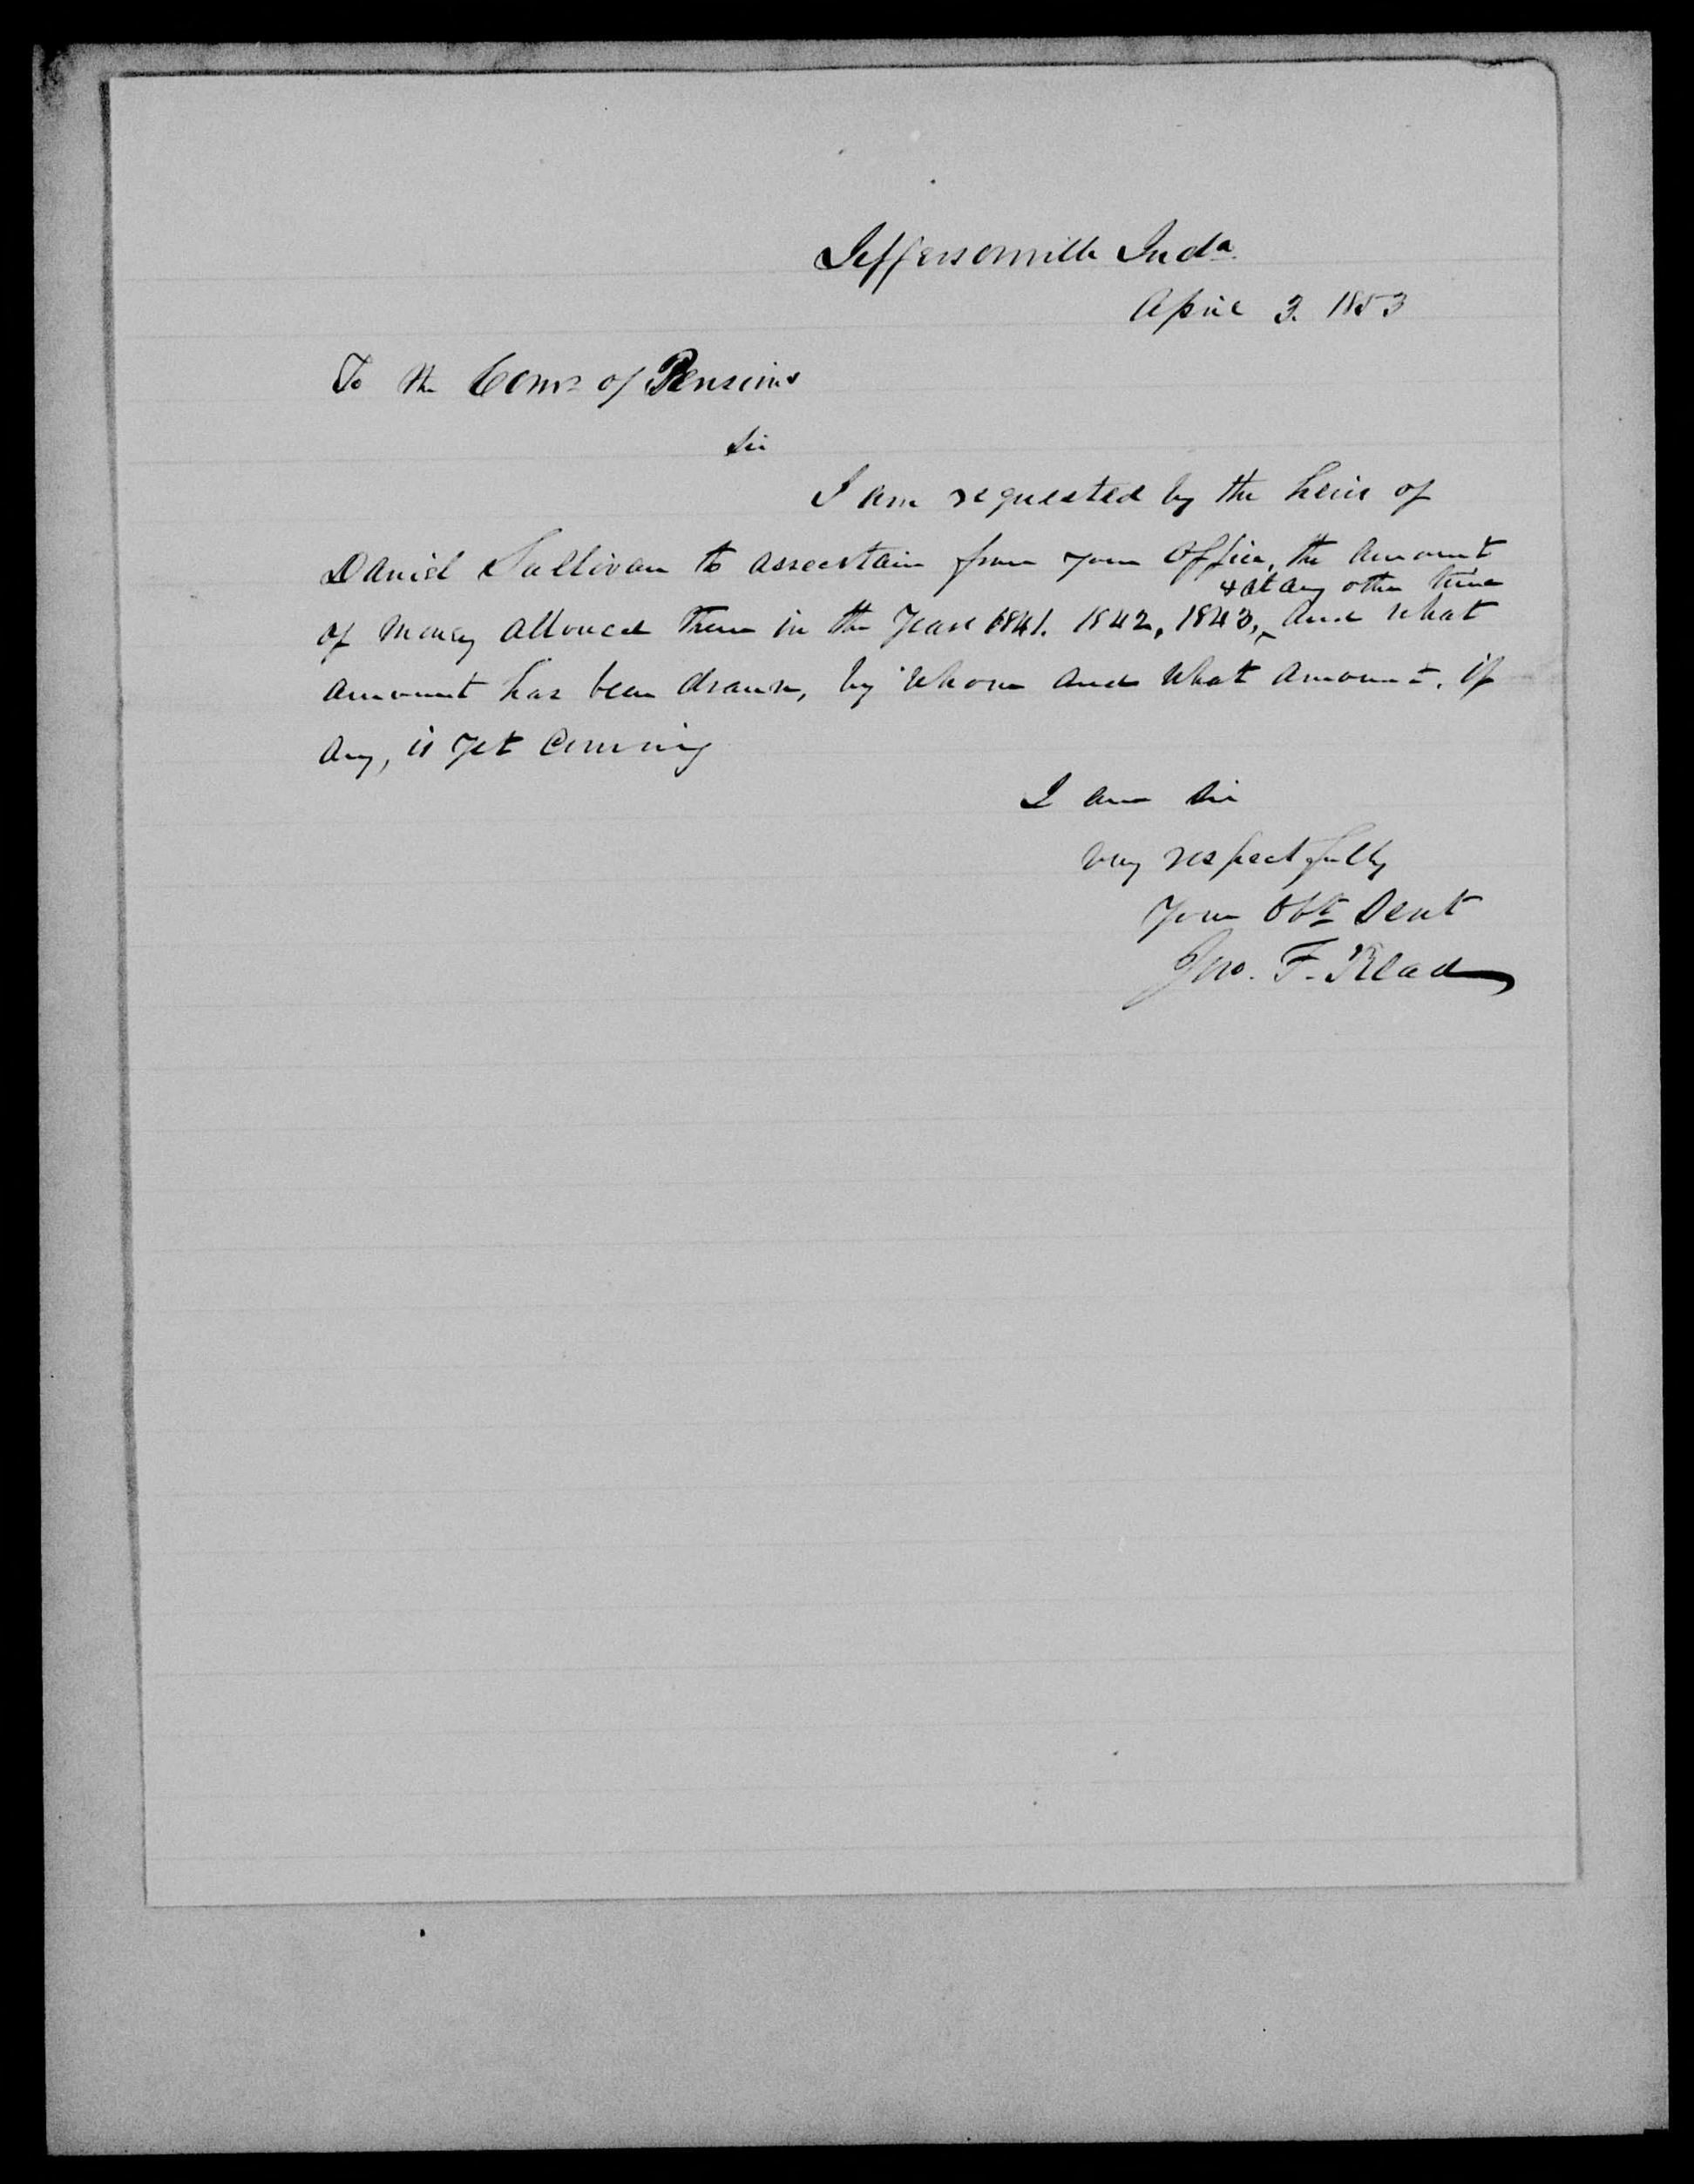Jeffersonville Ind'a
April 3, 1853

To the Comr of Pensions

Sir

I am requested by the heirs of Daniel Sullivan to ascertain from your Office, the amount of money allowed them in the years 1841, 1842, 1843, & at any other time And what amount has been drawn, by whom and what amount, if any, is yet coming

I am Sir
Very respectfully
Your obt srvt
[signed] Jno. F. Mead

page: 48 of 78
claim: widow's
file: W. 25,169, for Daniel Sullivan, Maryland